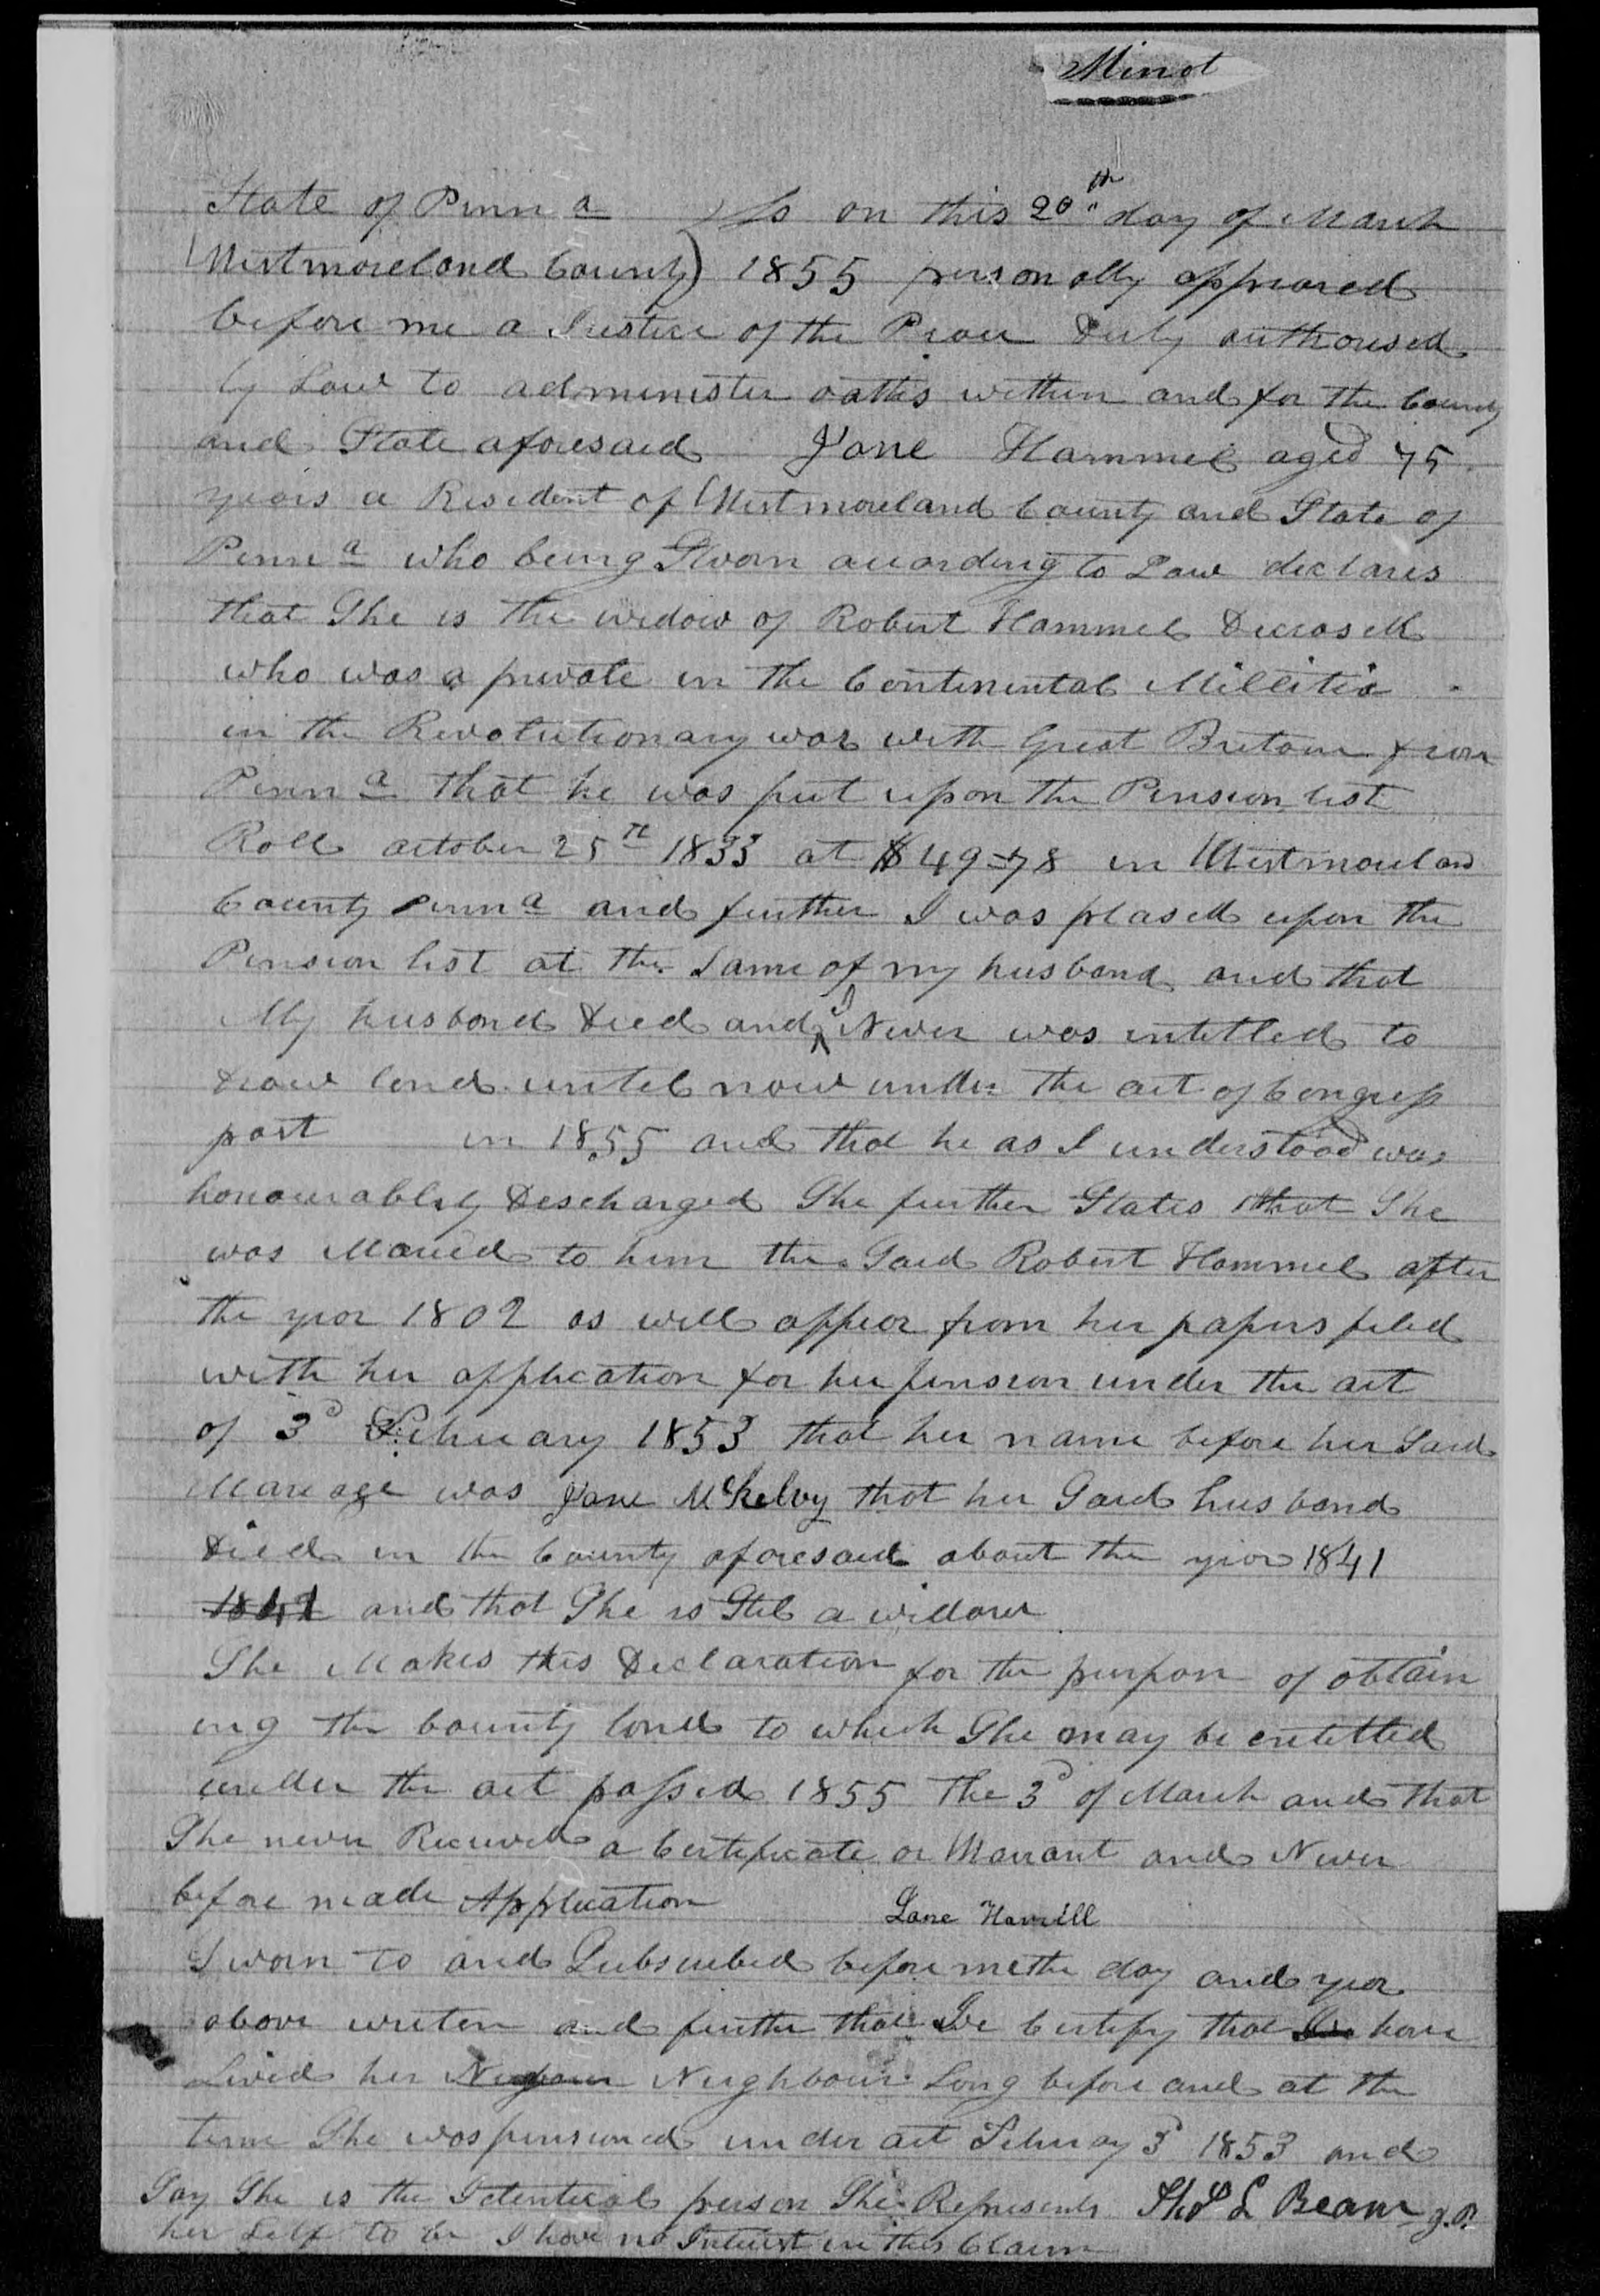State of Penna
On this 20th day of March (Westmoreland County) 1855 personally appeared before me a Justice of the Peace duly authorized by law to administer oaths written in and for the County and State aforesaid Jane Hammel aged 75 years a resident of Westmoreland county and State of Penna and who being sworn according to law declares that she is the widow of Robert Hammel deceased who was a private in the Continental Militia in the Revolutionary war with Great Britain from Penna that he was put upon the pension list roll October 25th 1833 at $49.78 in Westmoreland County Penna and further was placed upon the pension list at the _____ of my husband and that my husband died and I was never entitled to have land until now under the act of Congress ____ in 1855 and that he as I understood was honorably discharged.   She further states that she was married to him this said Robert Hammel after the year 1802 as will offer from her papers filed with her application for his pension under the act of 3 February 1853 that her name before her husband ___ age was Jane McKelvy that her said husband died in the county aforesaid about the year 1841 and that she is a widow.  

She makes this declaration for the purpose of obtaining the county _____ to which she may be entitled under the act ____ 1855 the 3 of March and that she never received a certificate or warrant and never before made application.
Signature: Jane Hammel

Sworn to and subscribed before me the day and year above written and further that she certify that have lived her neighbors long before and at this time she was pensioned under act of February 3 1853 and she is the person she represents herself to be. I have no interest in this claim. 
 T. L Beam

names: Jane Mc Kelvy, Thos L Beam, Robert Hammel, Robert Hammel, Jane Hammel, Jane Hamill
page: 23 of 92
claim: widow's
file: W 1173, Robert Hamill, Penn.